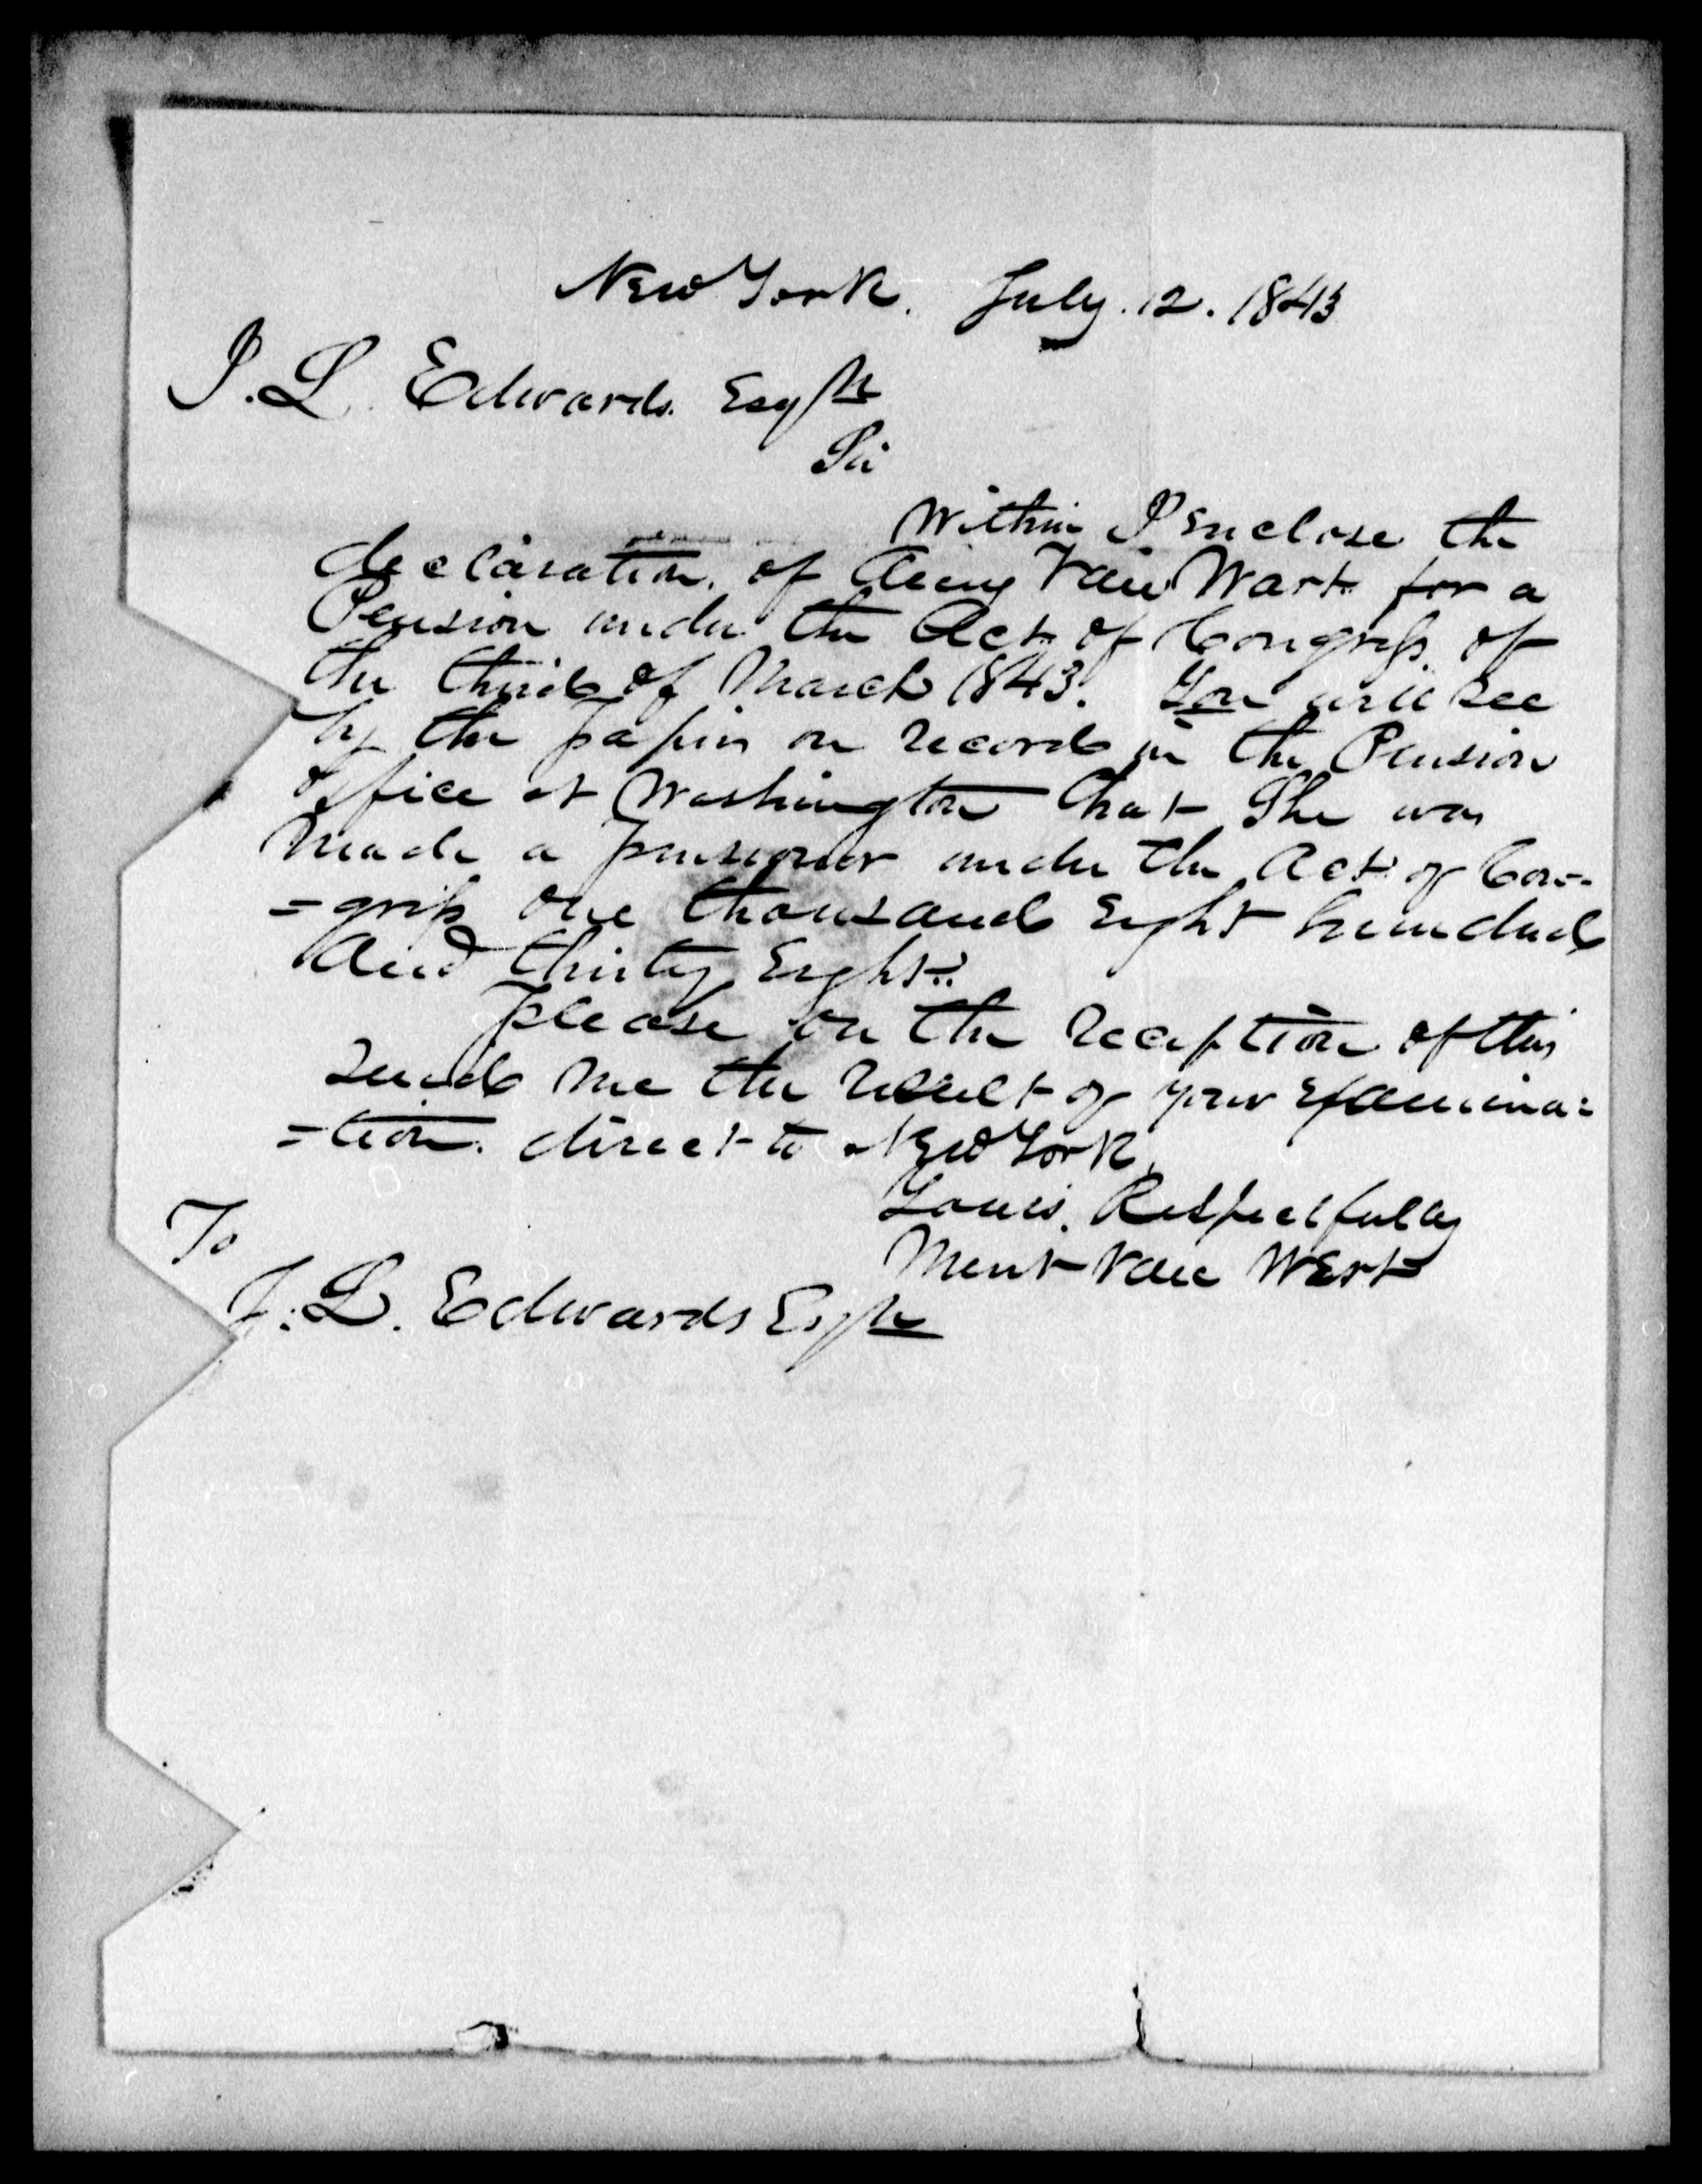New York  July 12, 1843

J. L. Edwards Esq

Sir

    Within I enclose the declaration of Amy Van Wart for a Pension under the Act of Congress of the Third of March 1843.  You will see by the papers and records in the Pension Office of Washington that She was made a pensioner under the Act of Congress one thousand Eight hundred And Thirty Eight.

    Please on the reception of this send me the result of your examination direct to New York.

    Yours Respectfully
    Merrit Van Wert

To J. L. Edwards Esq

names: Ment Van Wert, J L Edwards, J L Edwards, Amy Van Wart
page: 63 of 102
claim: widow's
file: W. 18239, Isaac Van Wart, New York